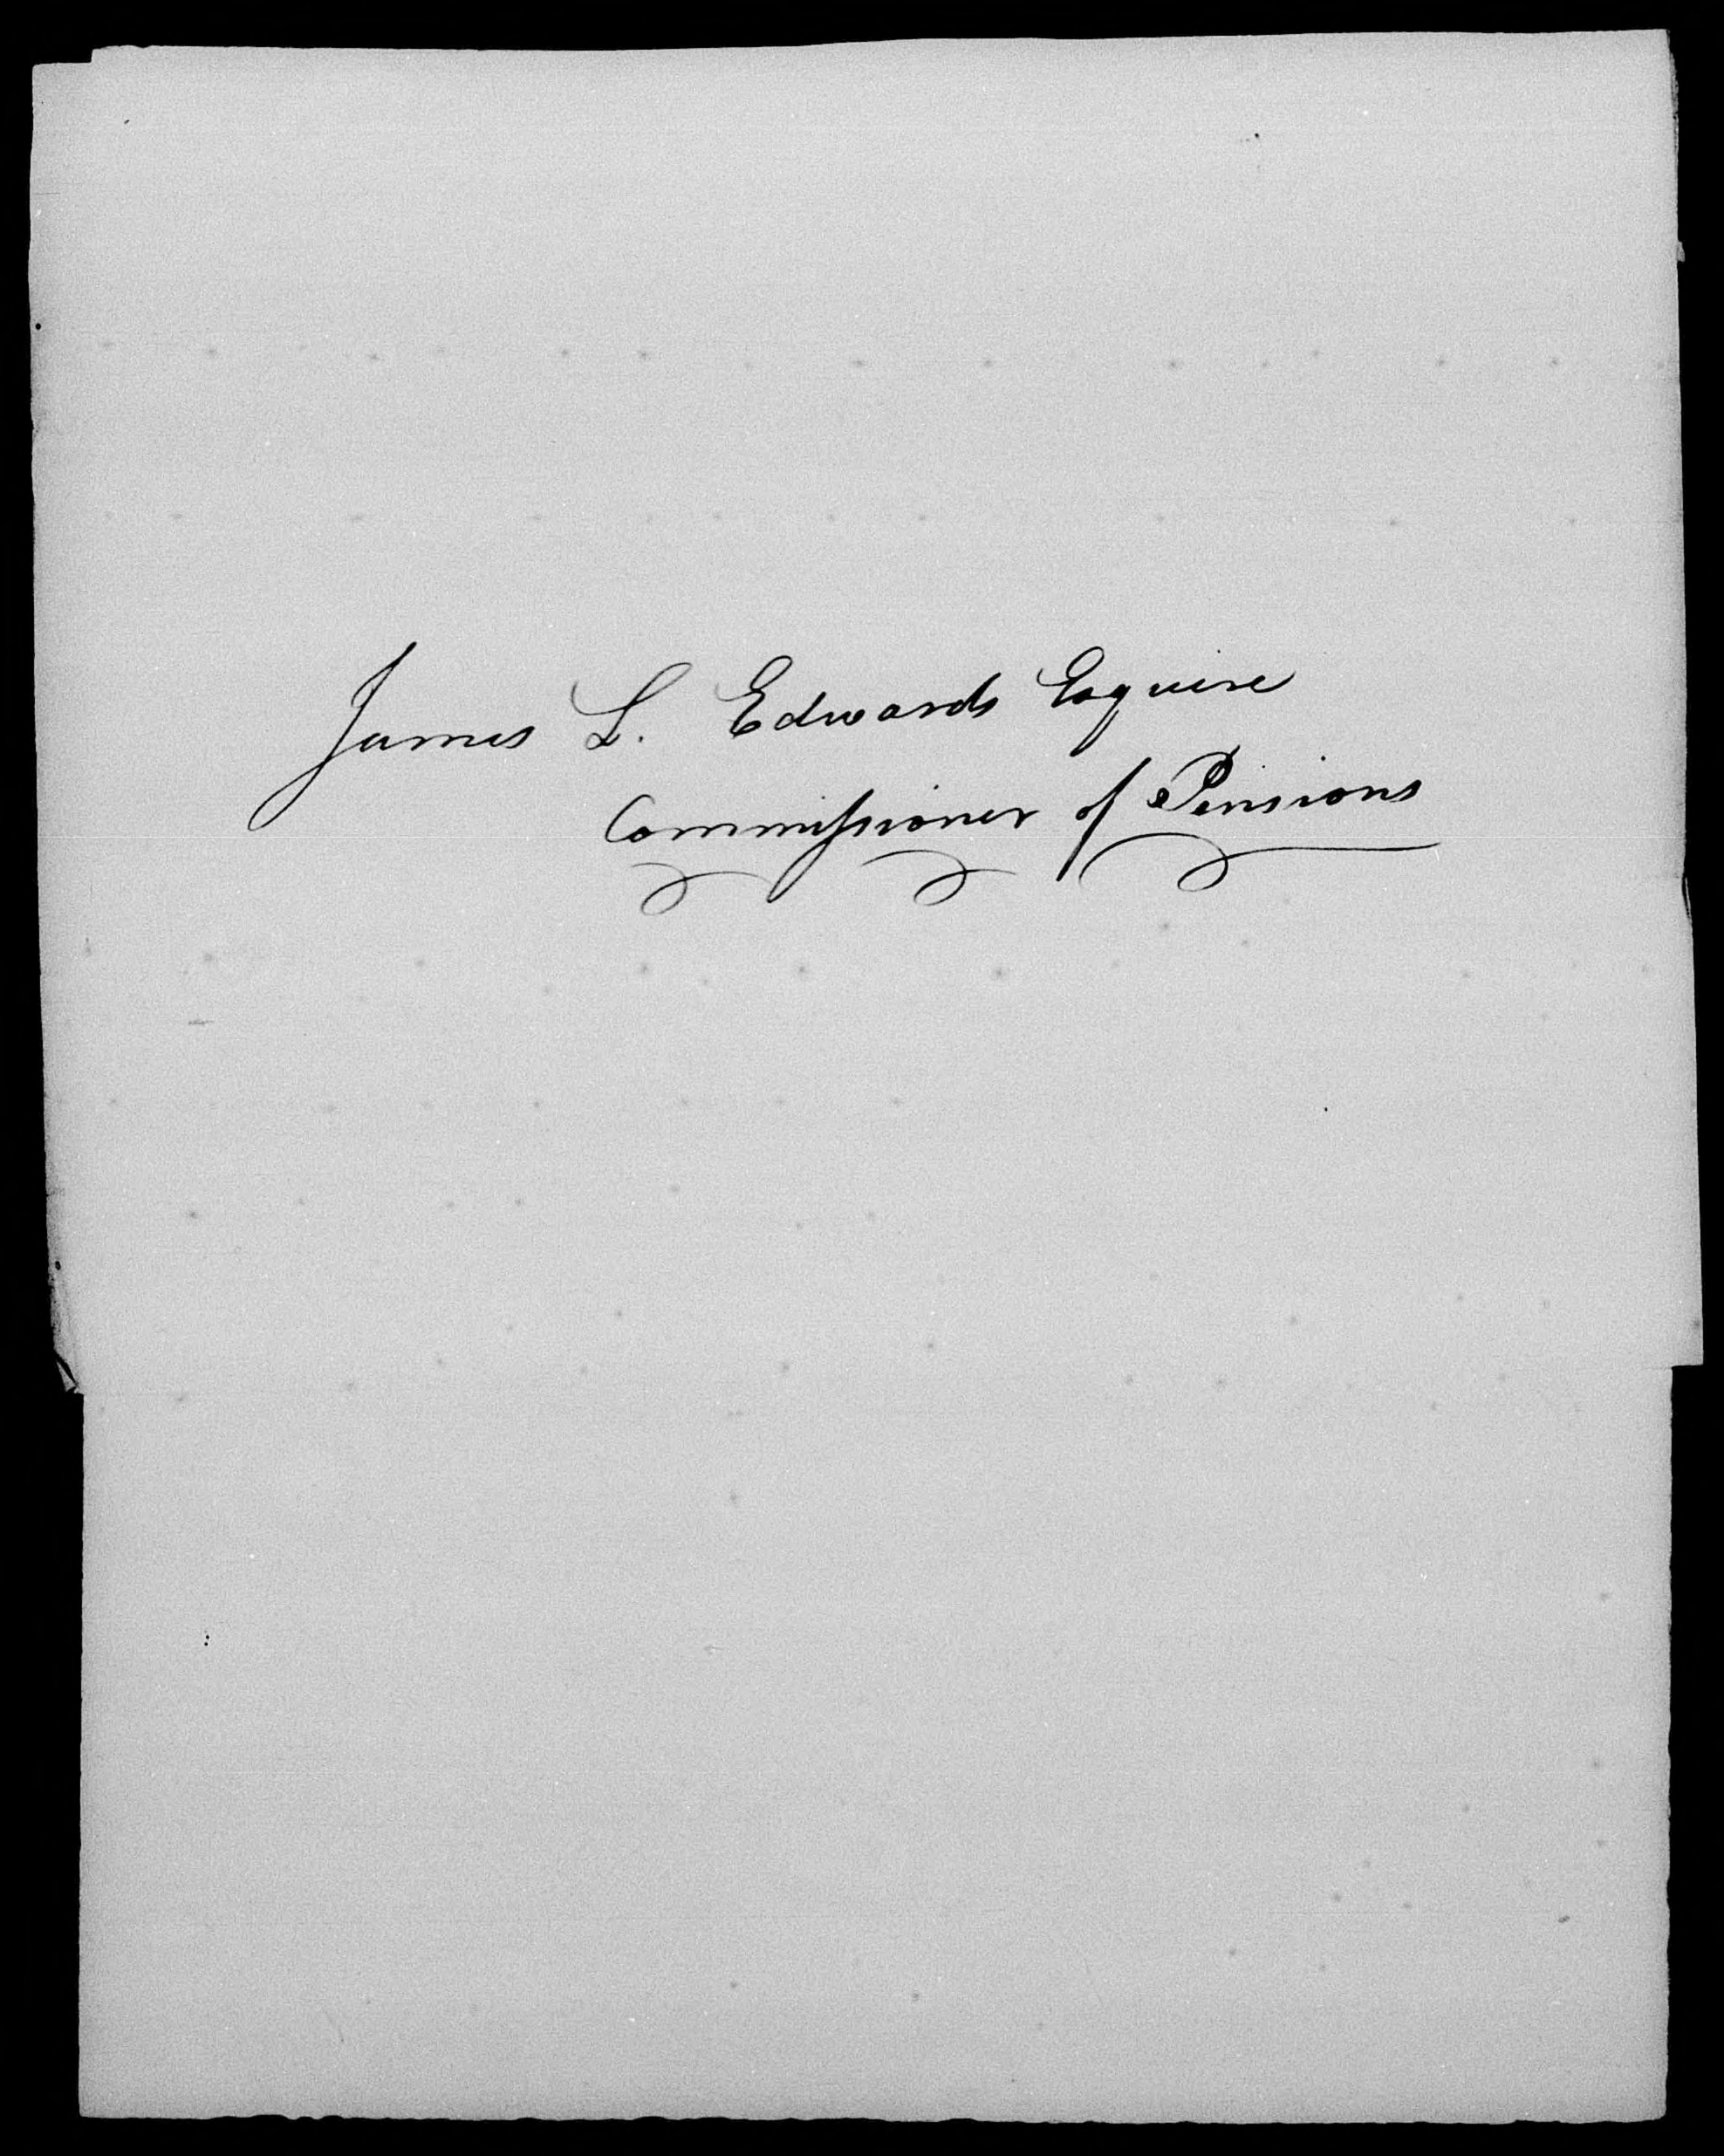James L. Edwards Esquire 
Commissioner of Pensions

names: James L Edwards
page: 33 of 38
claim: widow's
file: W. 24,235, Silvanus French, Mass.